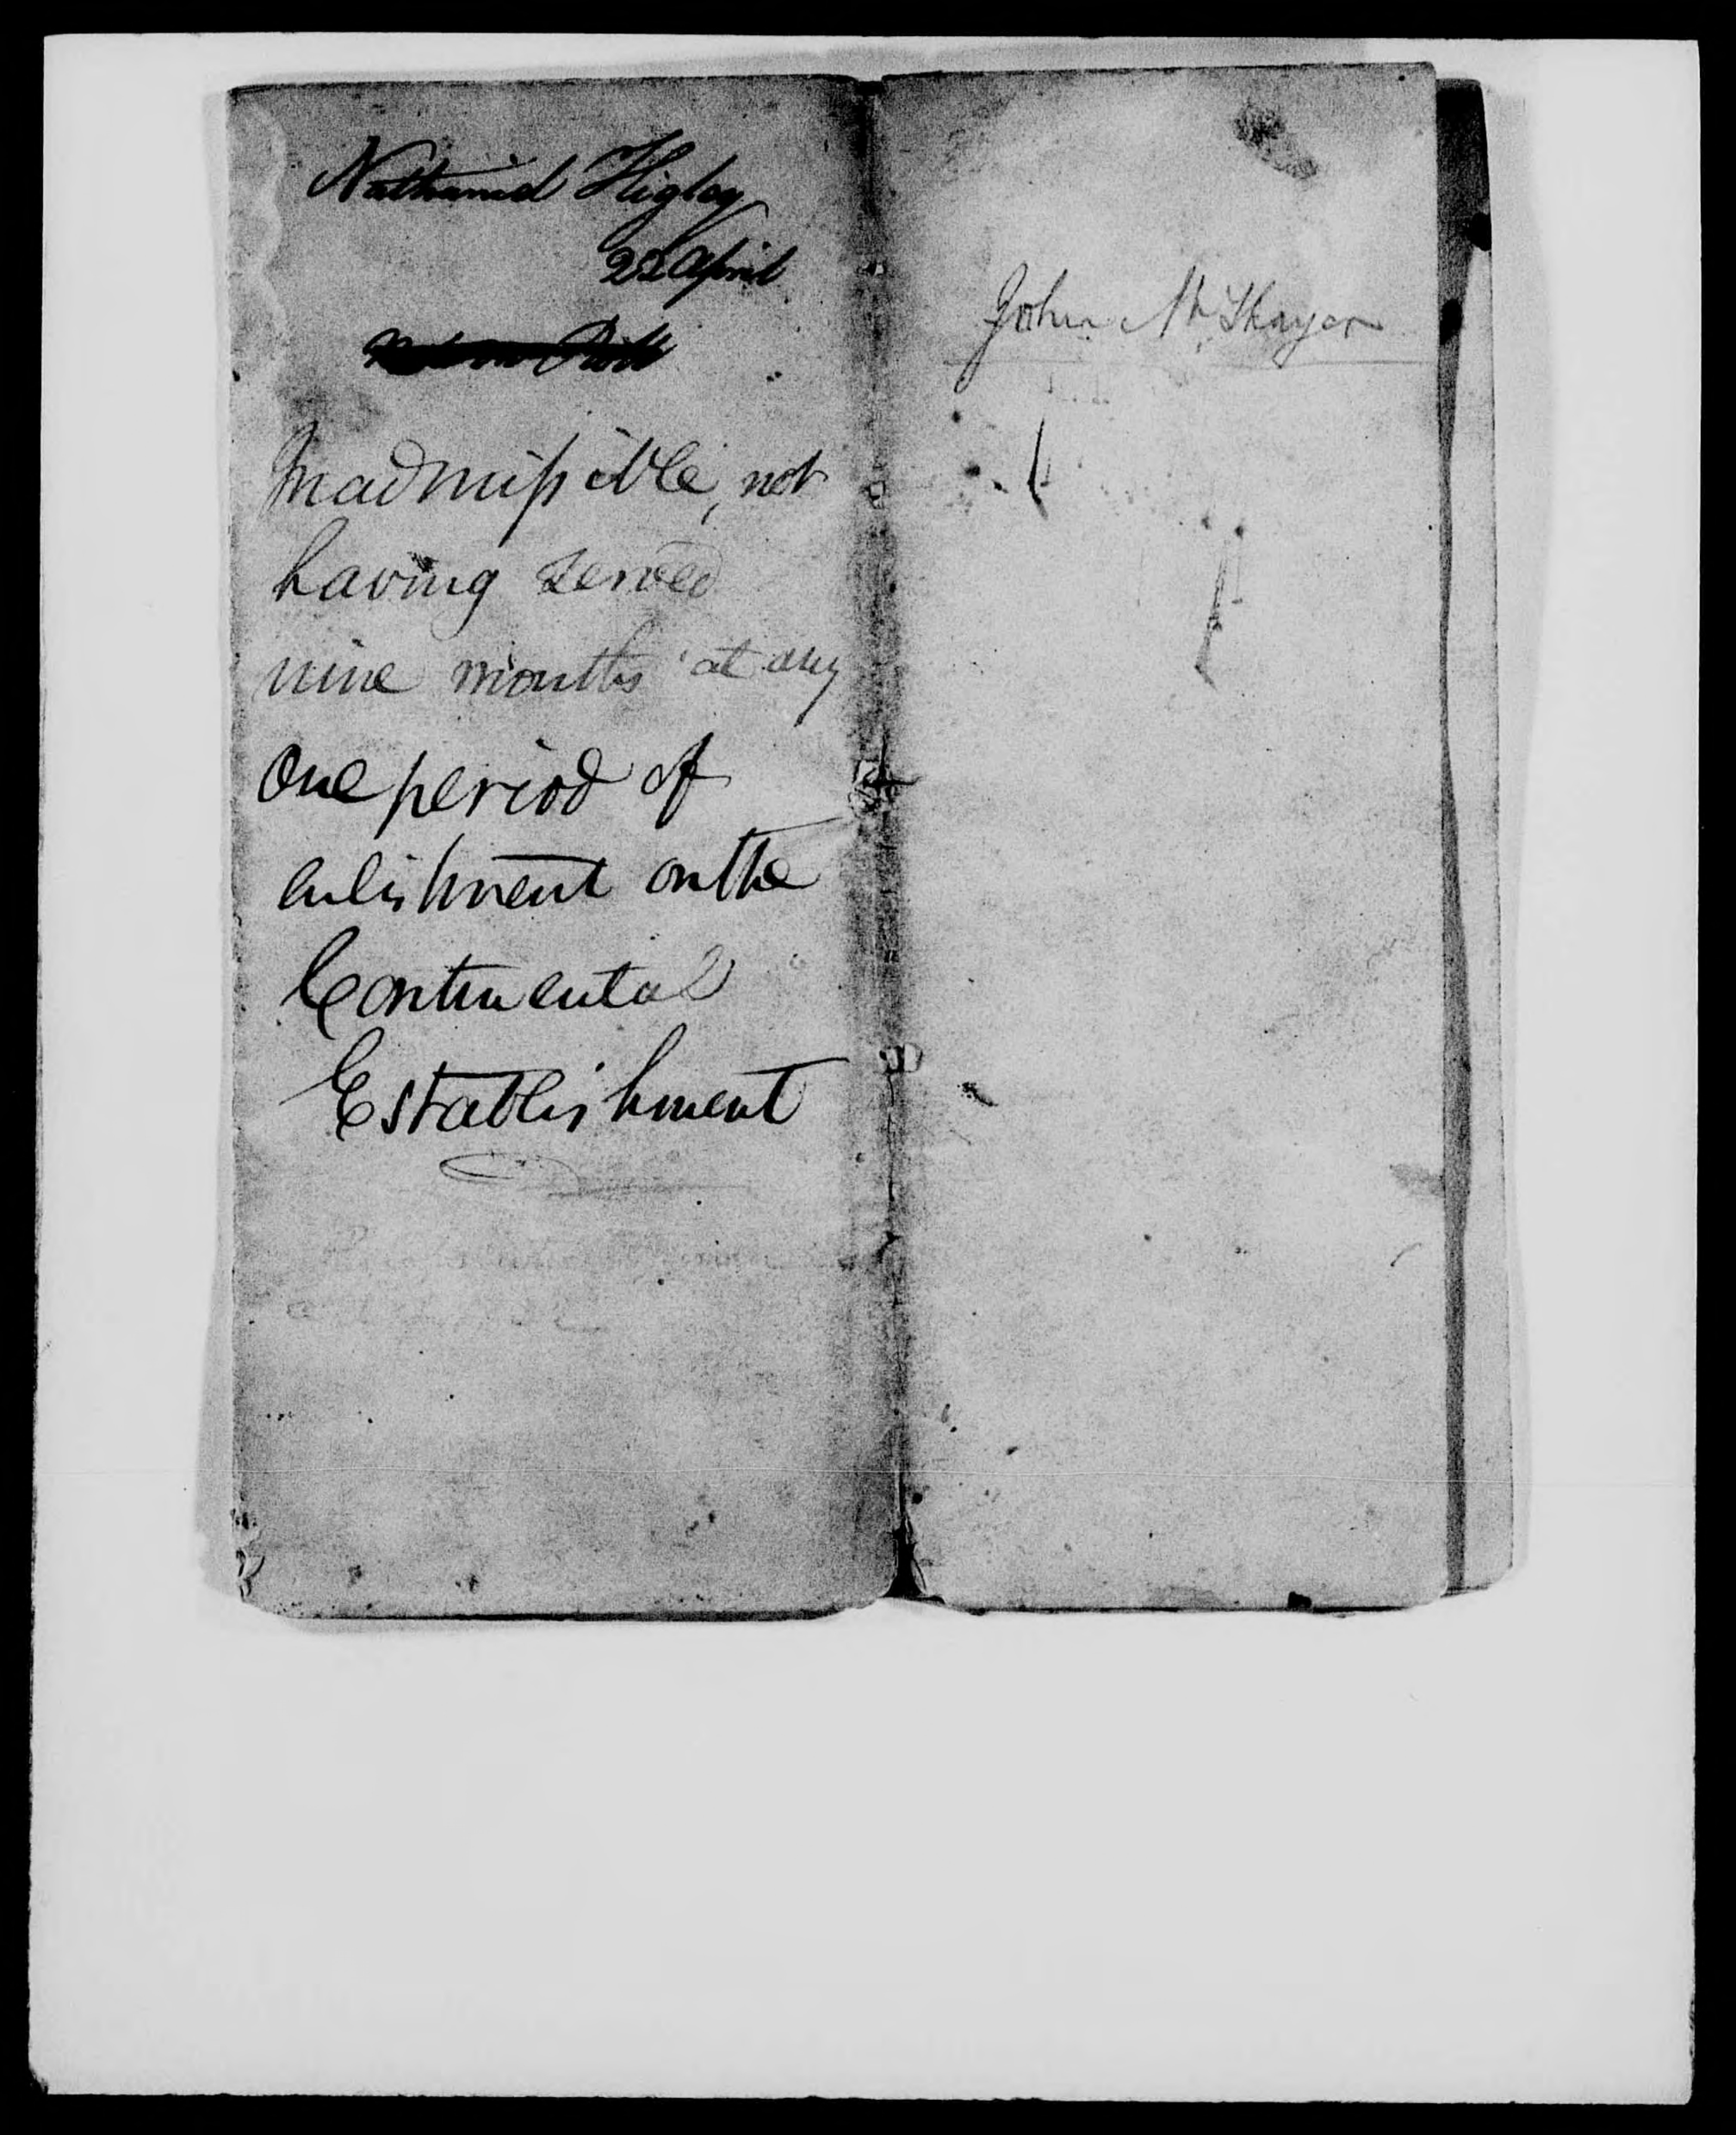[Page 1]
Nathaniel Higby
22 April
Jnadmiss life, not having served nine months at any one period of enlistment on the Continental Establishment

[Page 2]
John M Thayer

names: John M Thayer, Nathaniel Higley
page: 11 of 25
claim: rejected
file: R. 4972, Nathaniel Higby, Conn.